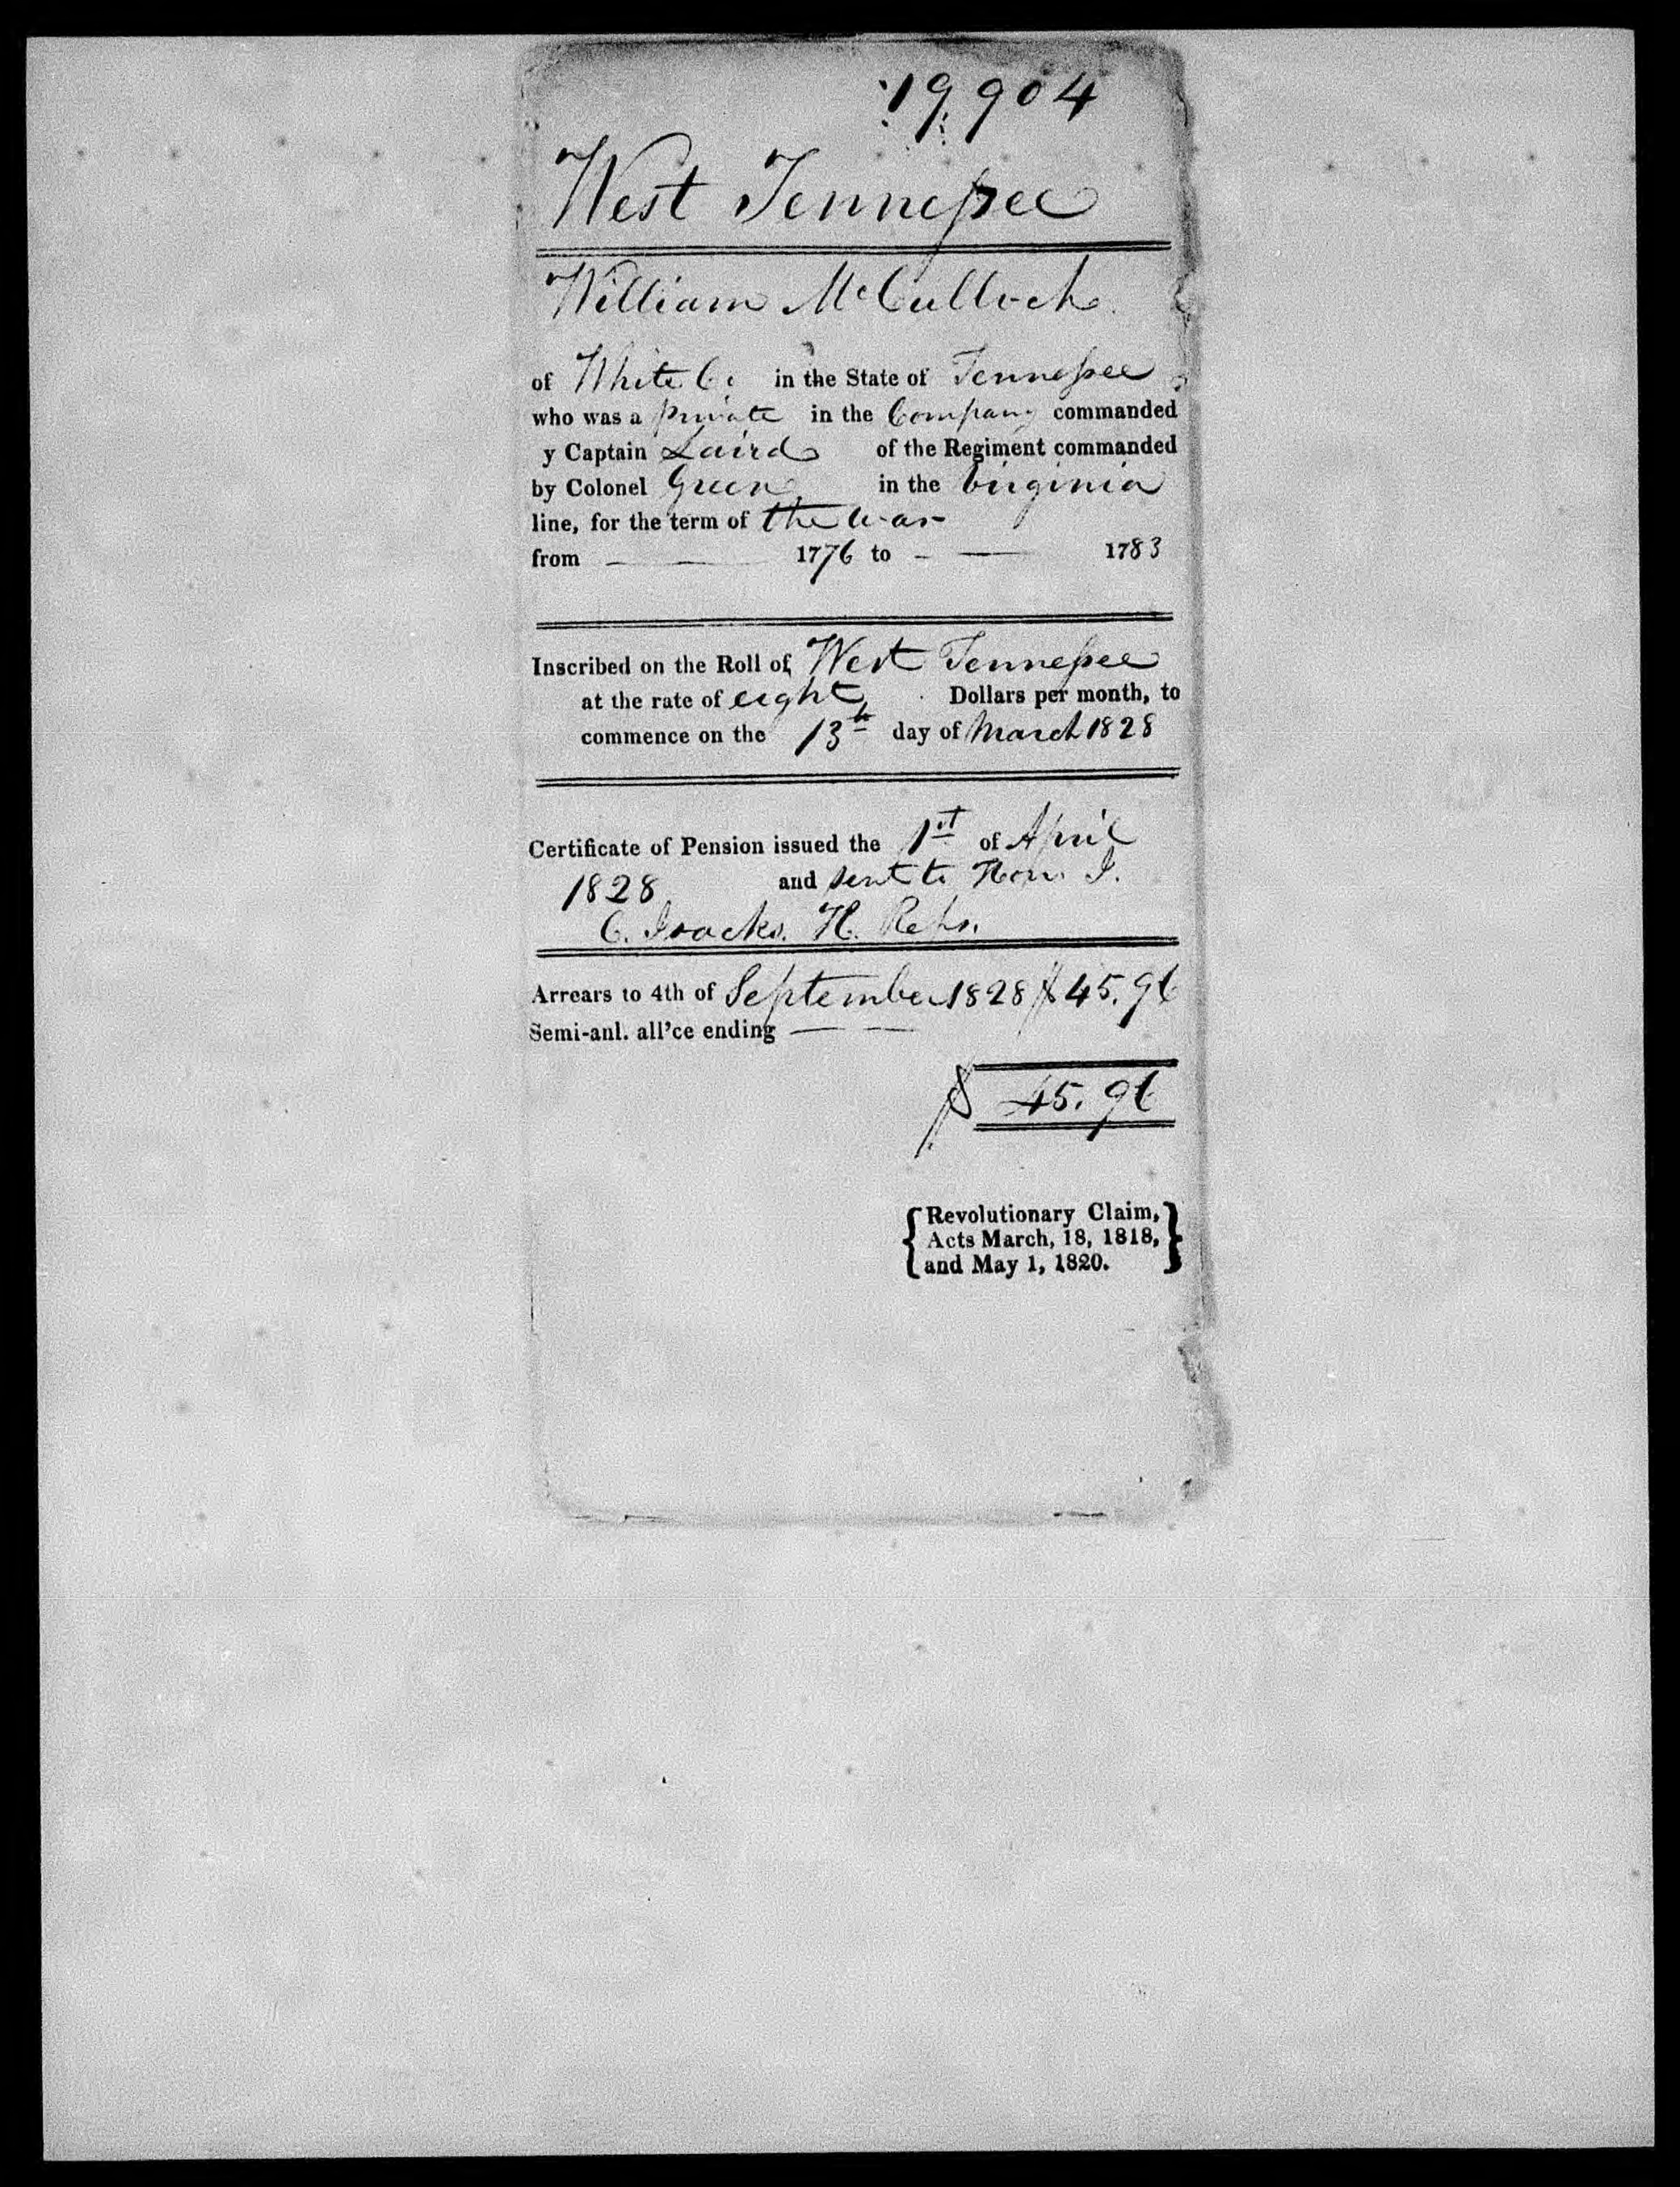19.904
West Tennessee
William McCulloch
of White co.  the State of Tennessee who was a private in the Company commanded by Captain Laird of the Regiment commanded by Colonel Greene in the Virginia line, for the term of the war from 1776 to 1783.

Inscribed on the Roll of West Tennessee at the rate of eight dollars per month, to commence on the 13th day of March 1828

Certificate of Pension issued the 1st of April 1828 and sent to Hon. I.C. Isacks, H. Reps.

Arrears to 4th of September 1828 $45.96
Semi-anl. all'ce ending --
                                   $45.96
        {Revolutionary Claim, Acts March 18, 1818, and May 1, 1820.}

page: 2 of 9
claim: survivor's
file: S. 38,936, for William Mc Culloch, Virginia